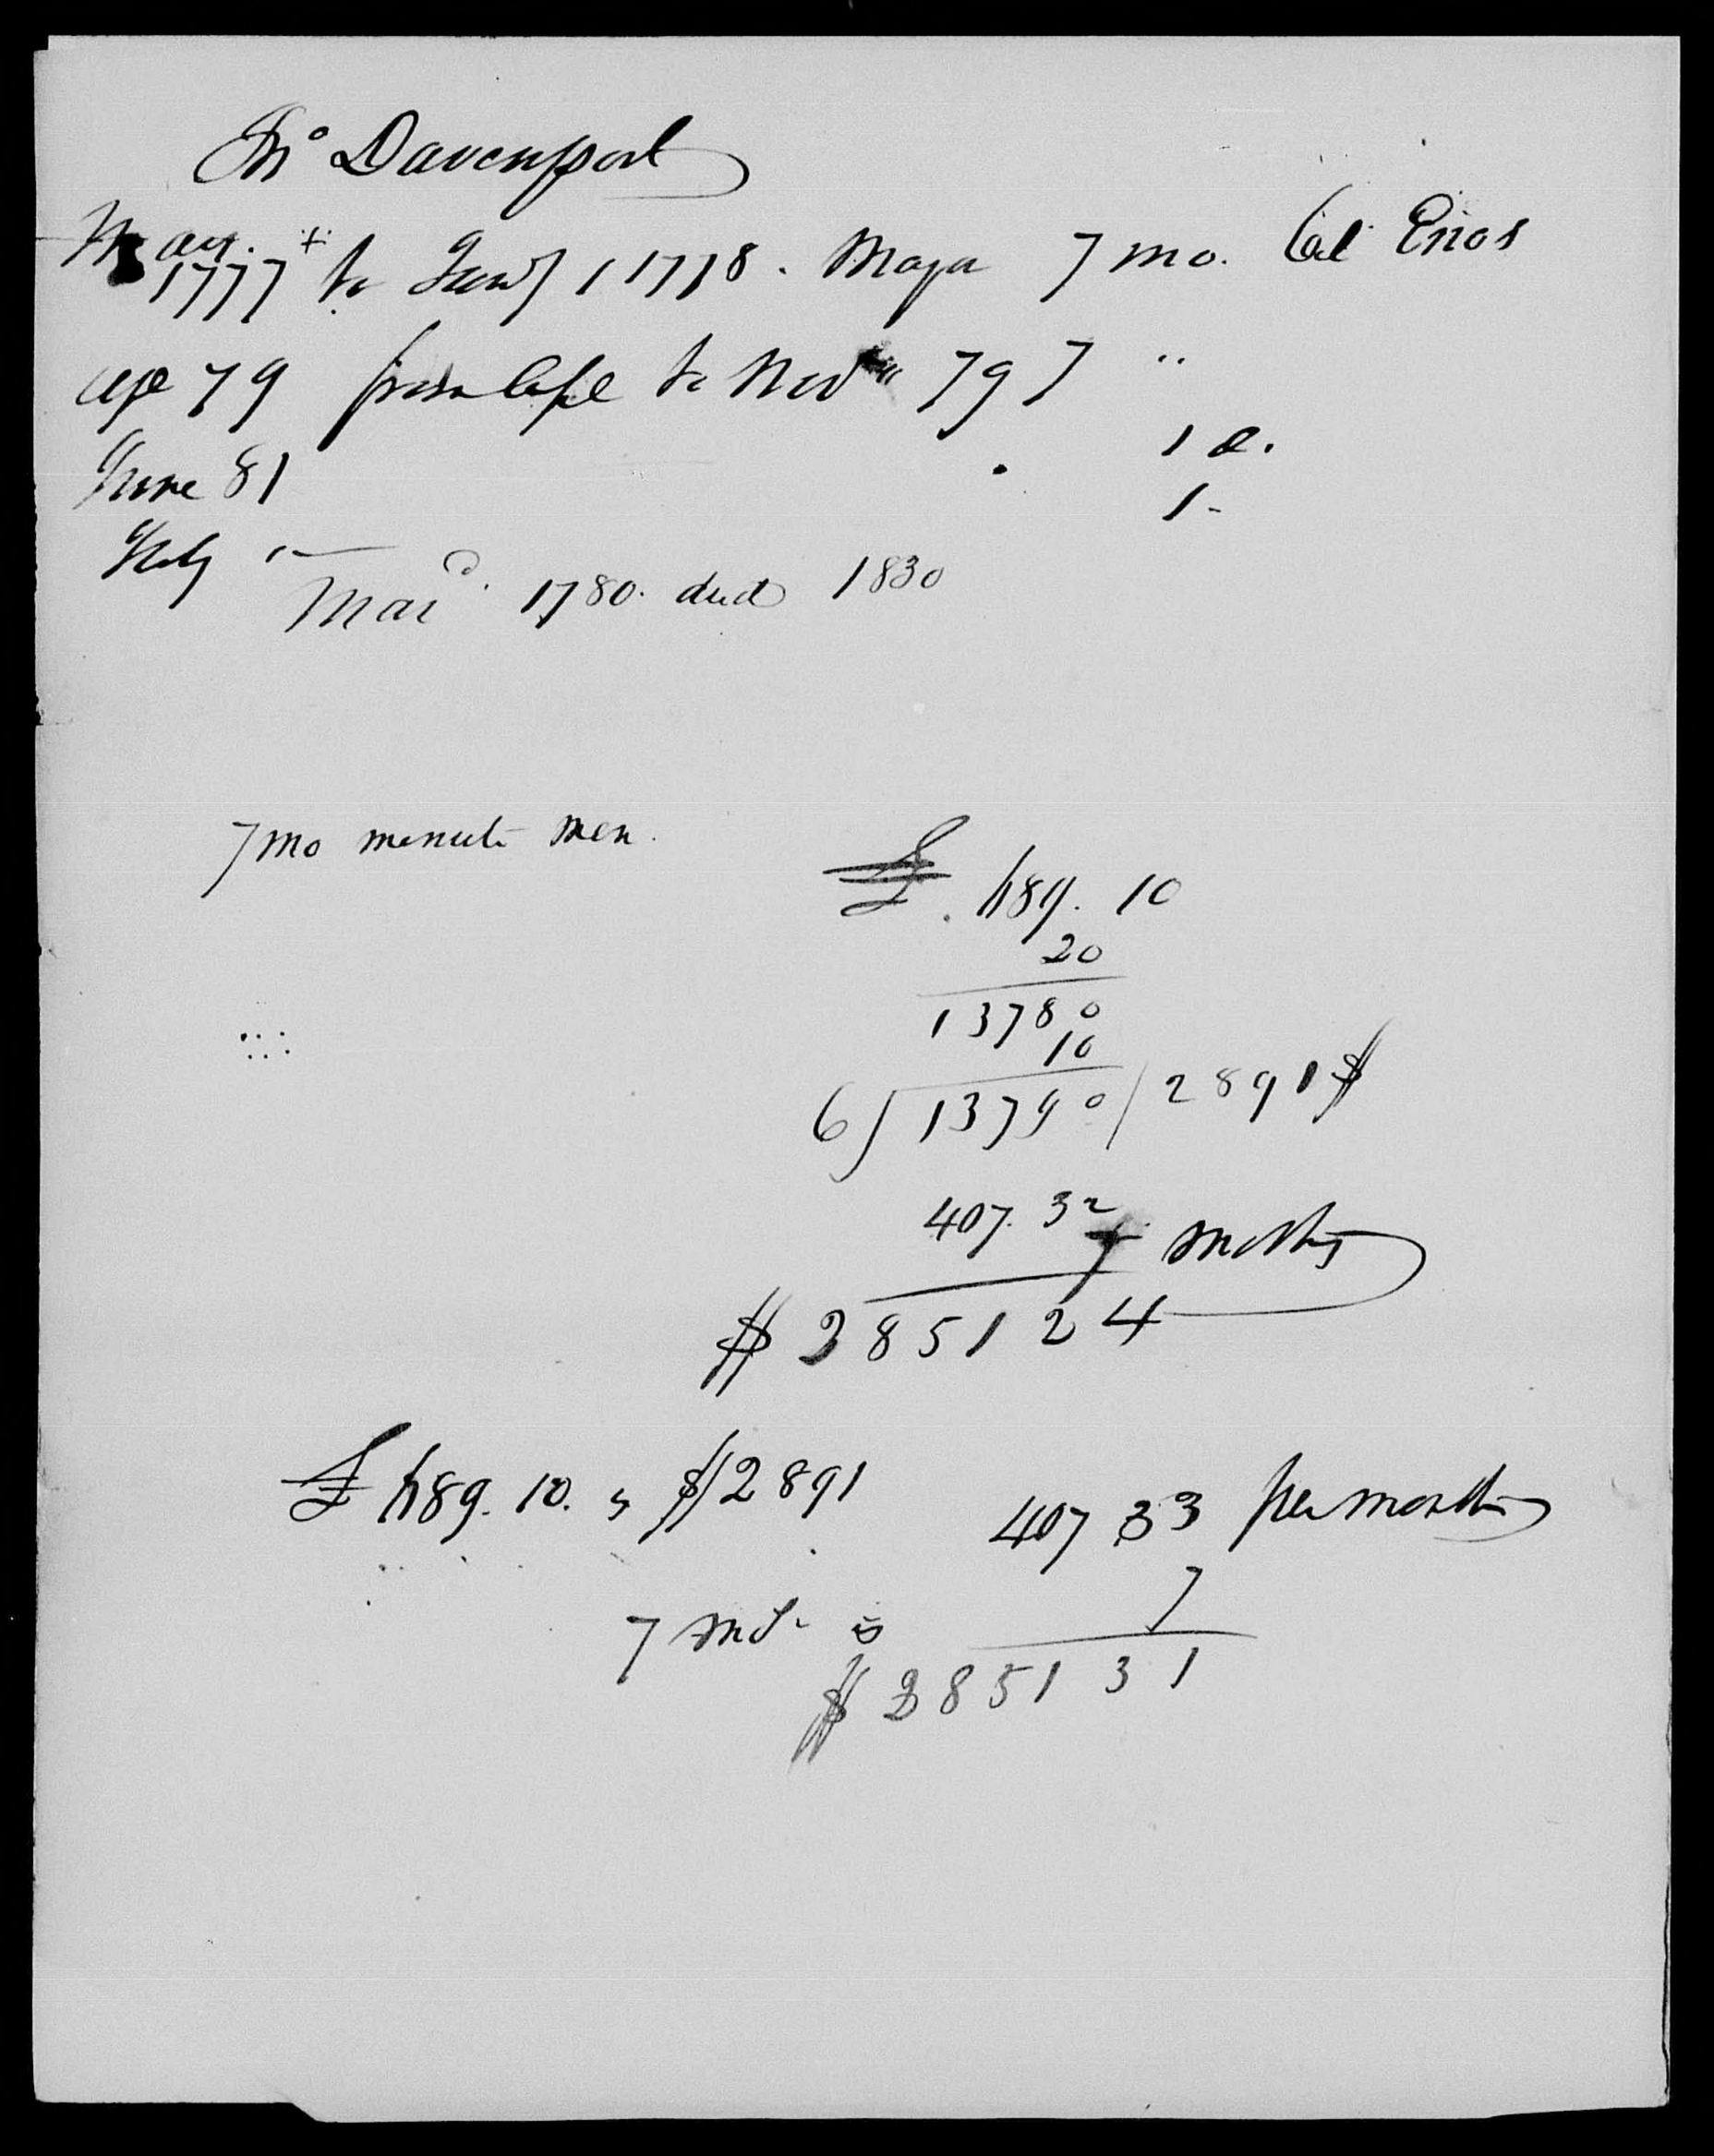Jon Davenport
May 1777 to Jan 1 1778 Major 7 mo. Col Enos
[illegible] to Nov 79 7"
Mar 1780 decd 1830
7 mo [illegible]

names: Jno Davenport, Enos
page: 14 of 15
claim: widow's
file: W 17711, John Davenport, Conn.